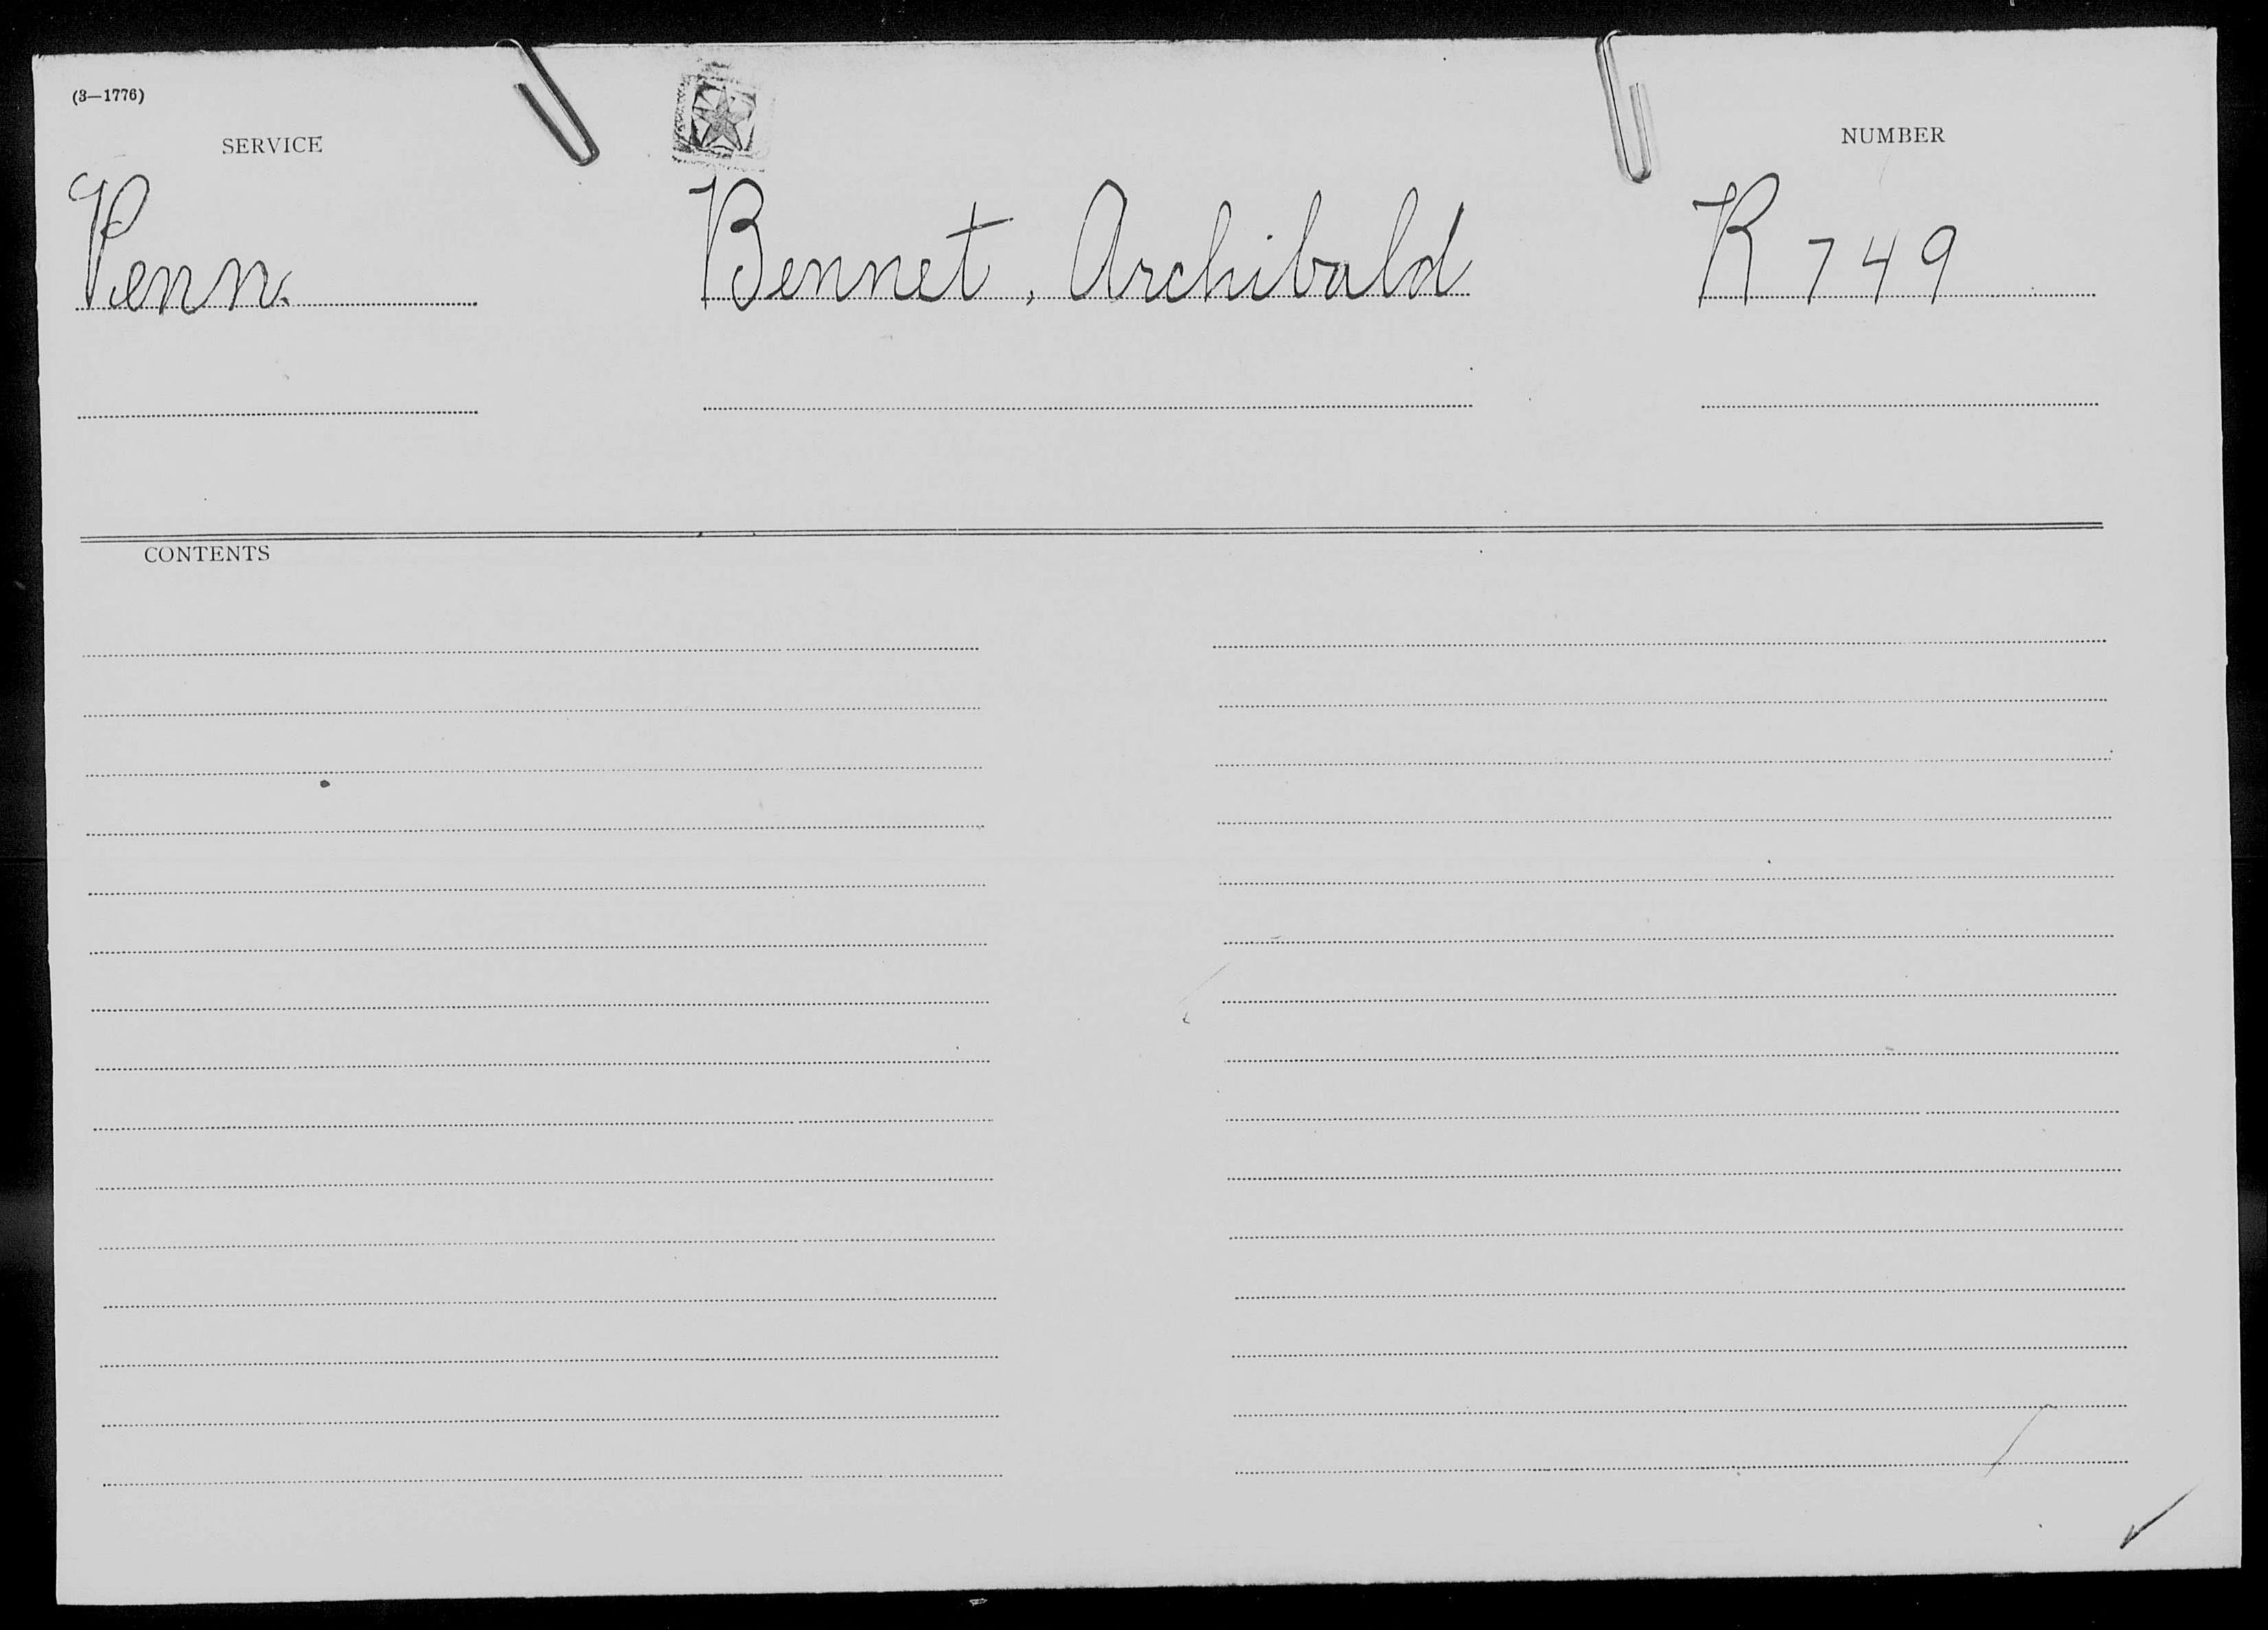Service                                   Number

Penn.     Bennet, Archibald     R749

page: 1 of 9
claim: rejected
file: R 749, Archibald Bennet, Penn.